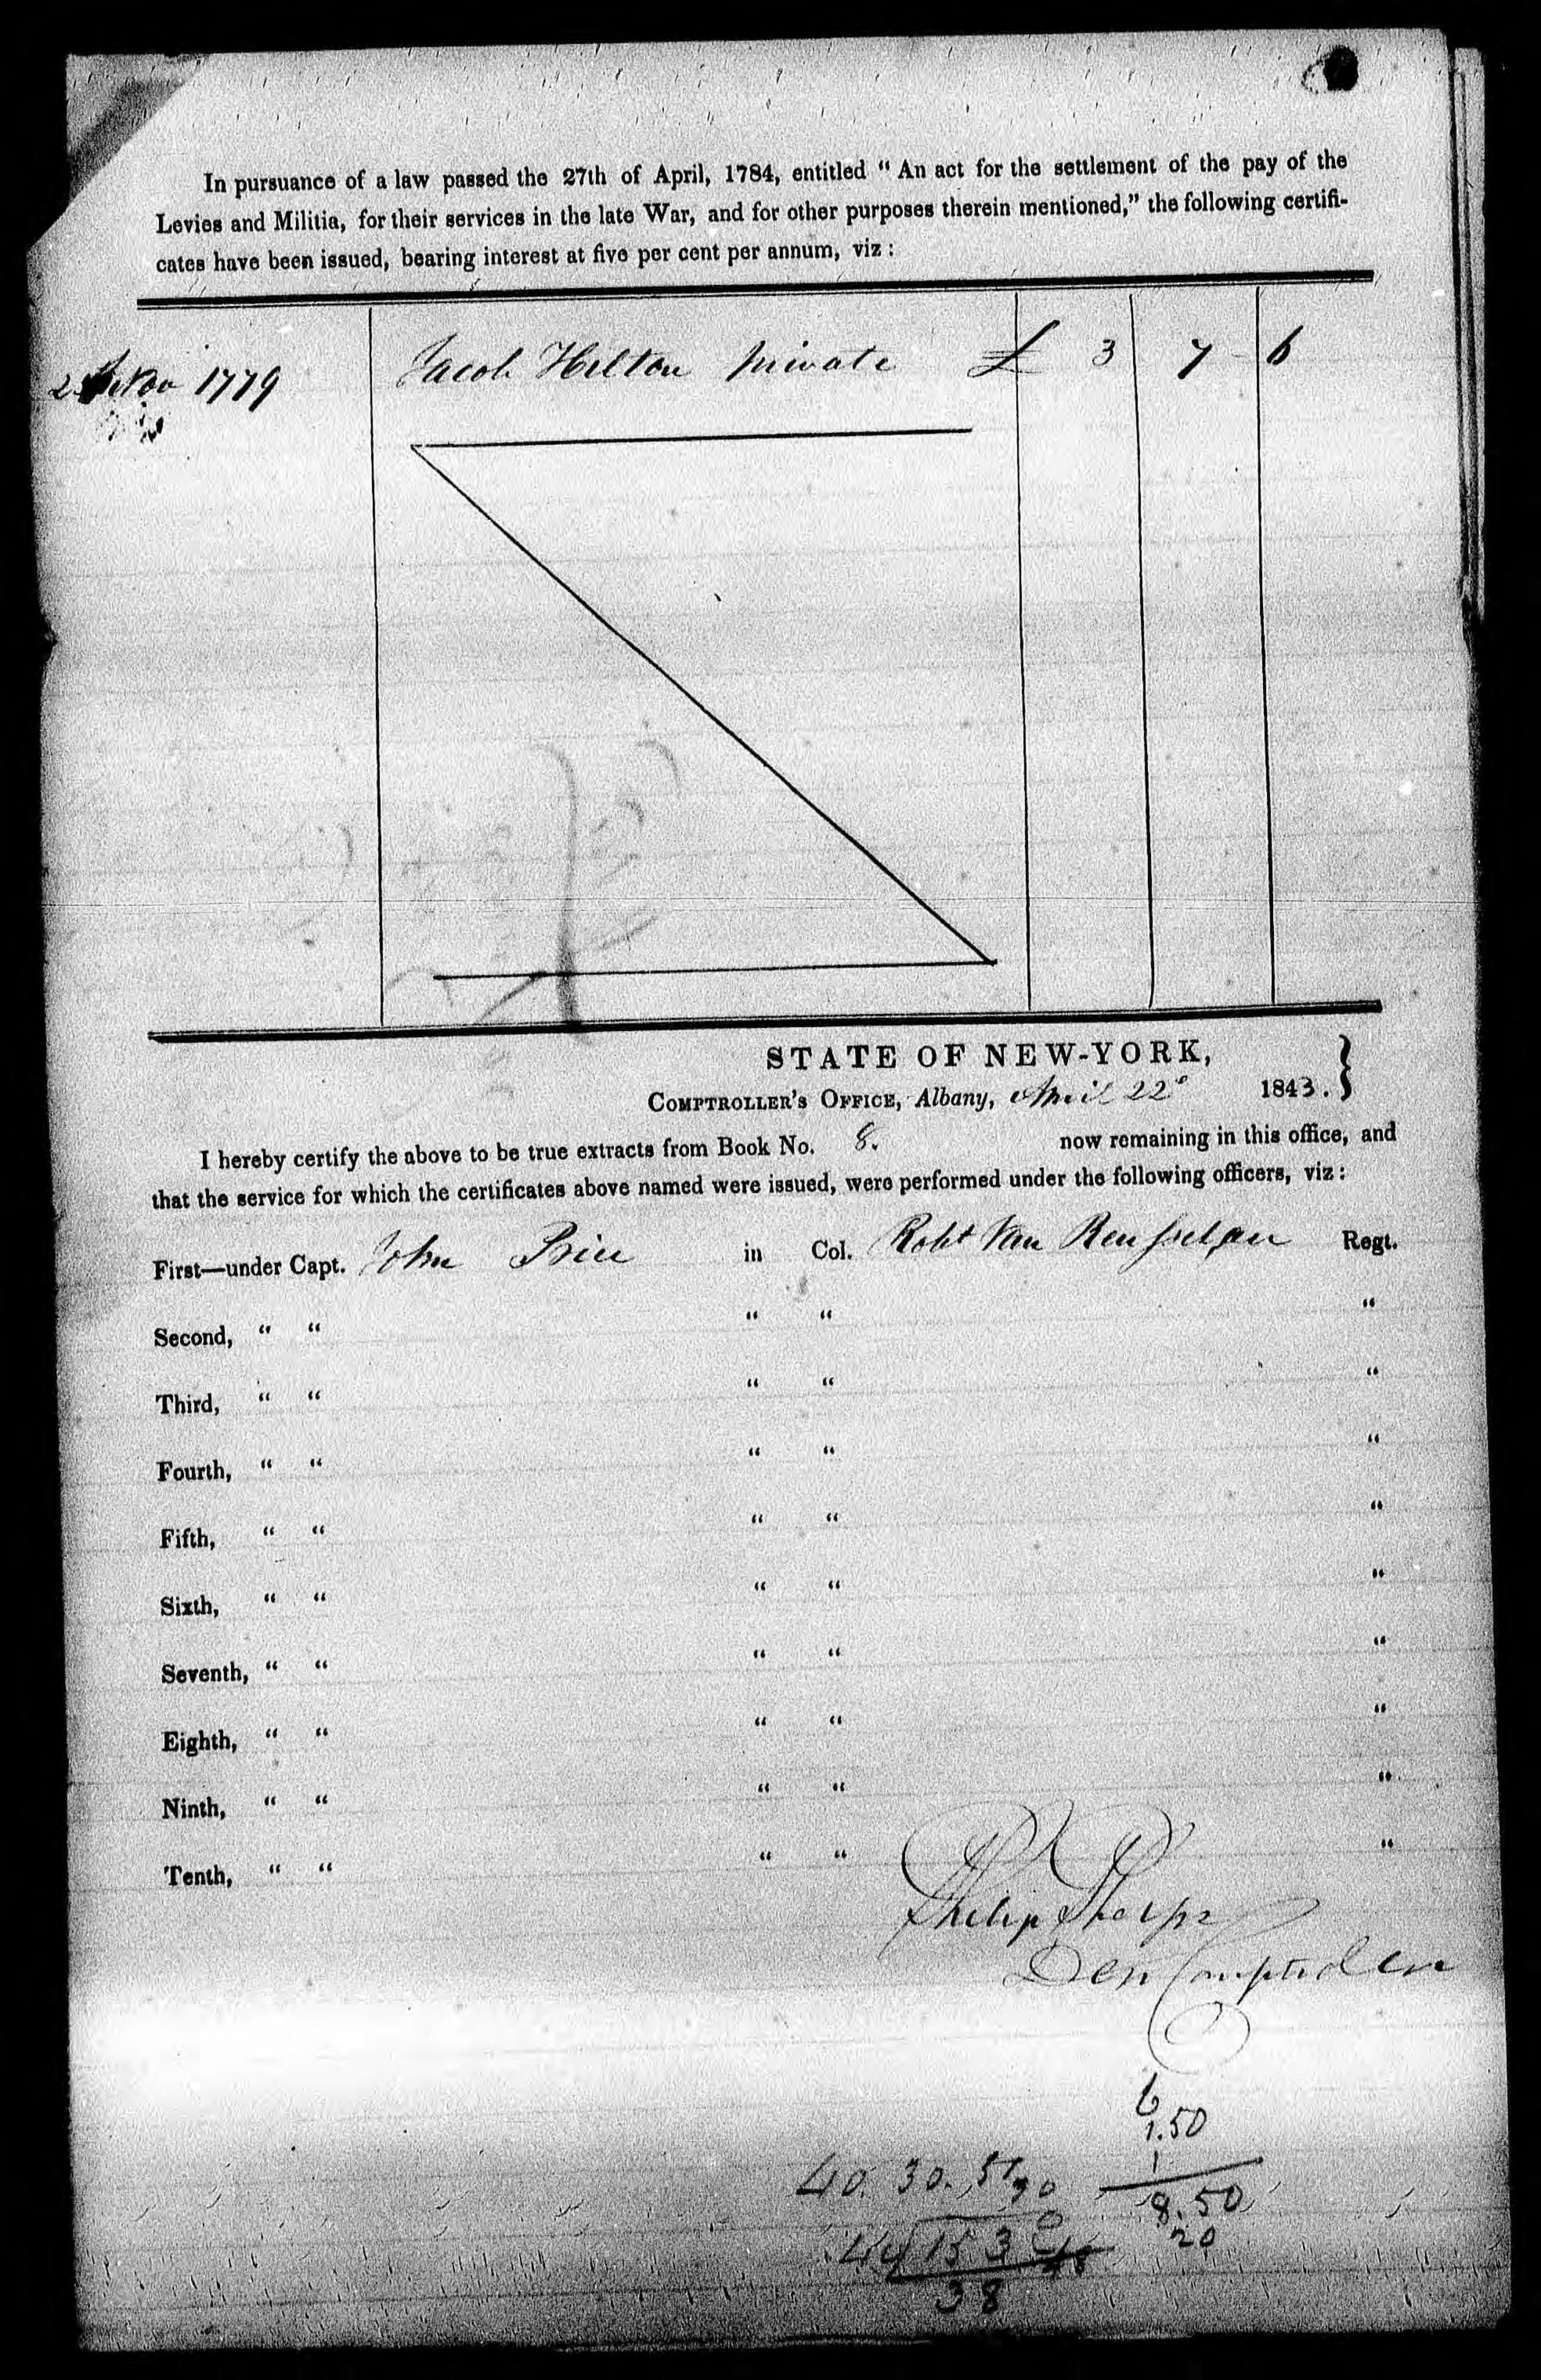In pursuance of a law passed the 27th of April, 1784, entitled "An act for the settlement of the pay of the Levies and Militia, for their services in the late War, and for other purposes therein mentioned," the following certificates have been issued, bearing interest at five per cent per annum, viz:
25th Nov 1779  Jacob Hilton private £ 3 7 6
STATE OF NEW-YORK,
COMPTROLLER'S OFFICE, Albany, April 22nd 1843.
I hereby certify the above to be true extracts from Book No. 8 now remaining in this office, and that the service for which the certificates above named were issued, were performed under the following officers, viz:
First--under Capt. John Price in Col. Robt Van Rensselaer Regt.
[signed] Philip Sharps
Dep Comptroller

40 30 51         6
          30         1.50 
44 15 38         1
          48         8.50
    38                 20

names: Robt Van Rensselaer, Philip Sharps, John Price, Jacob Hilton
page: 48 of 48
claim: widow's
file: W. 19788, Jacob W Hilton, New York